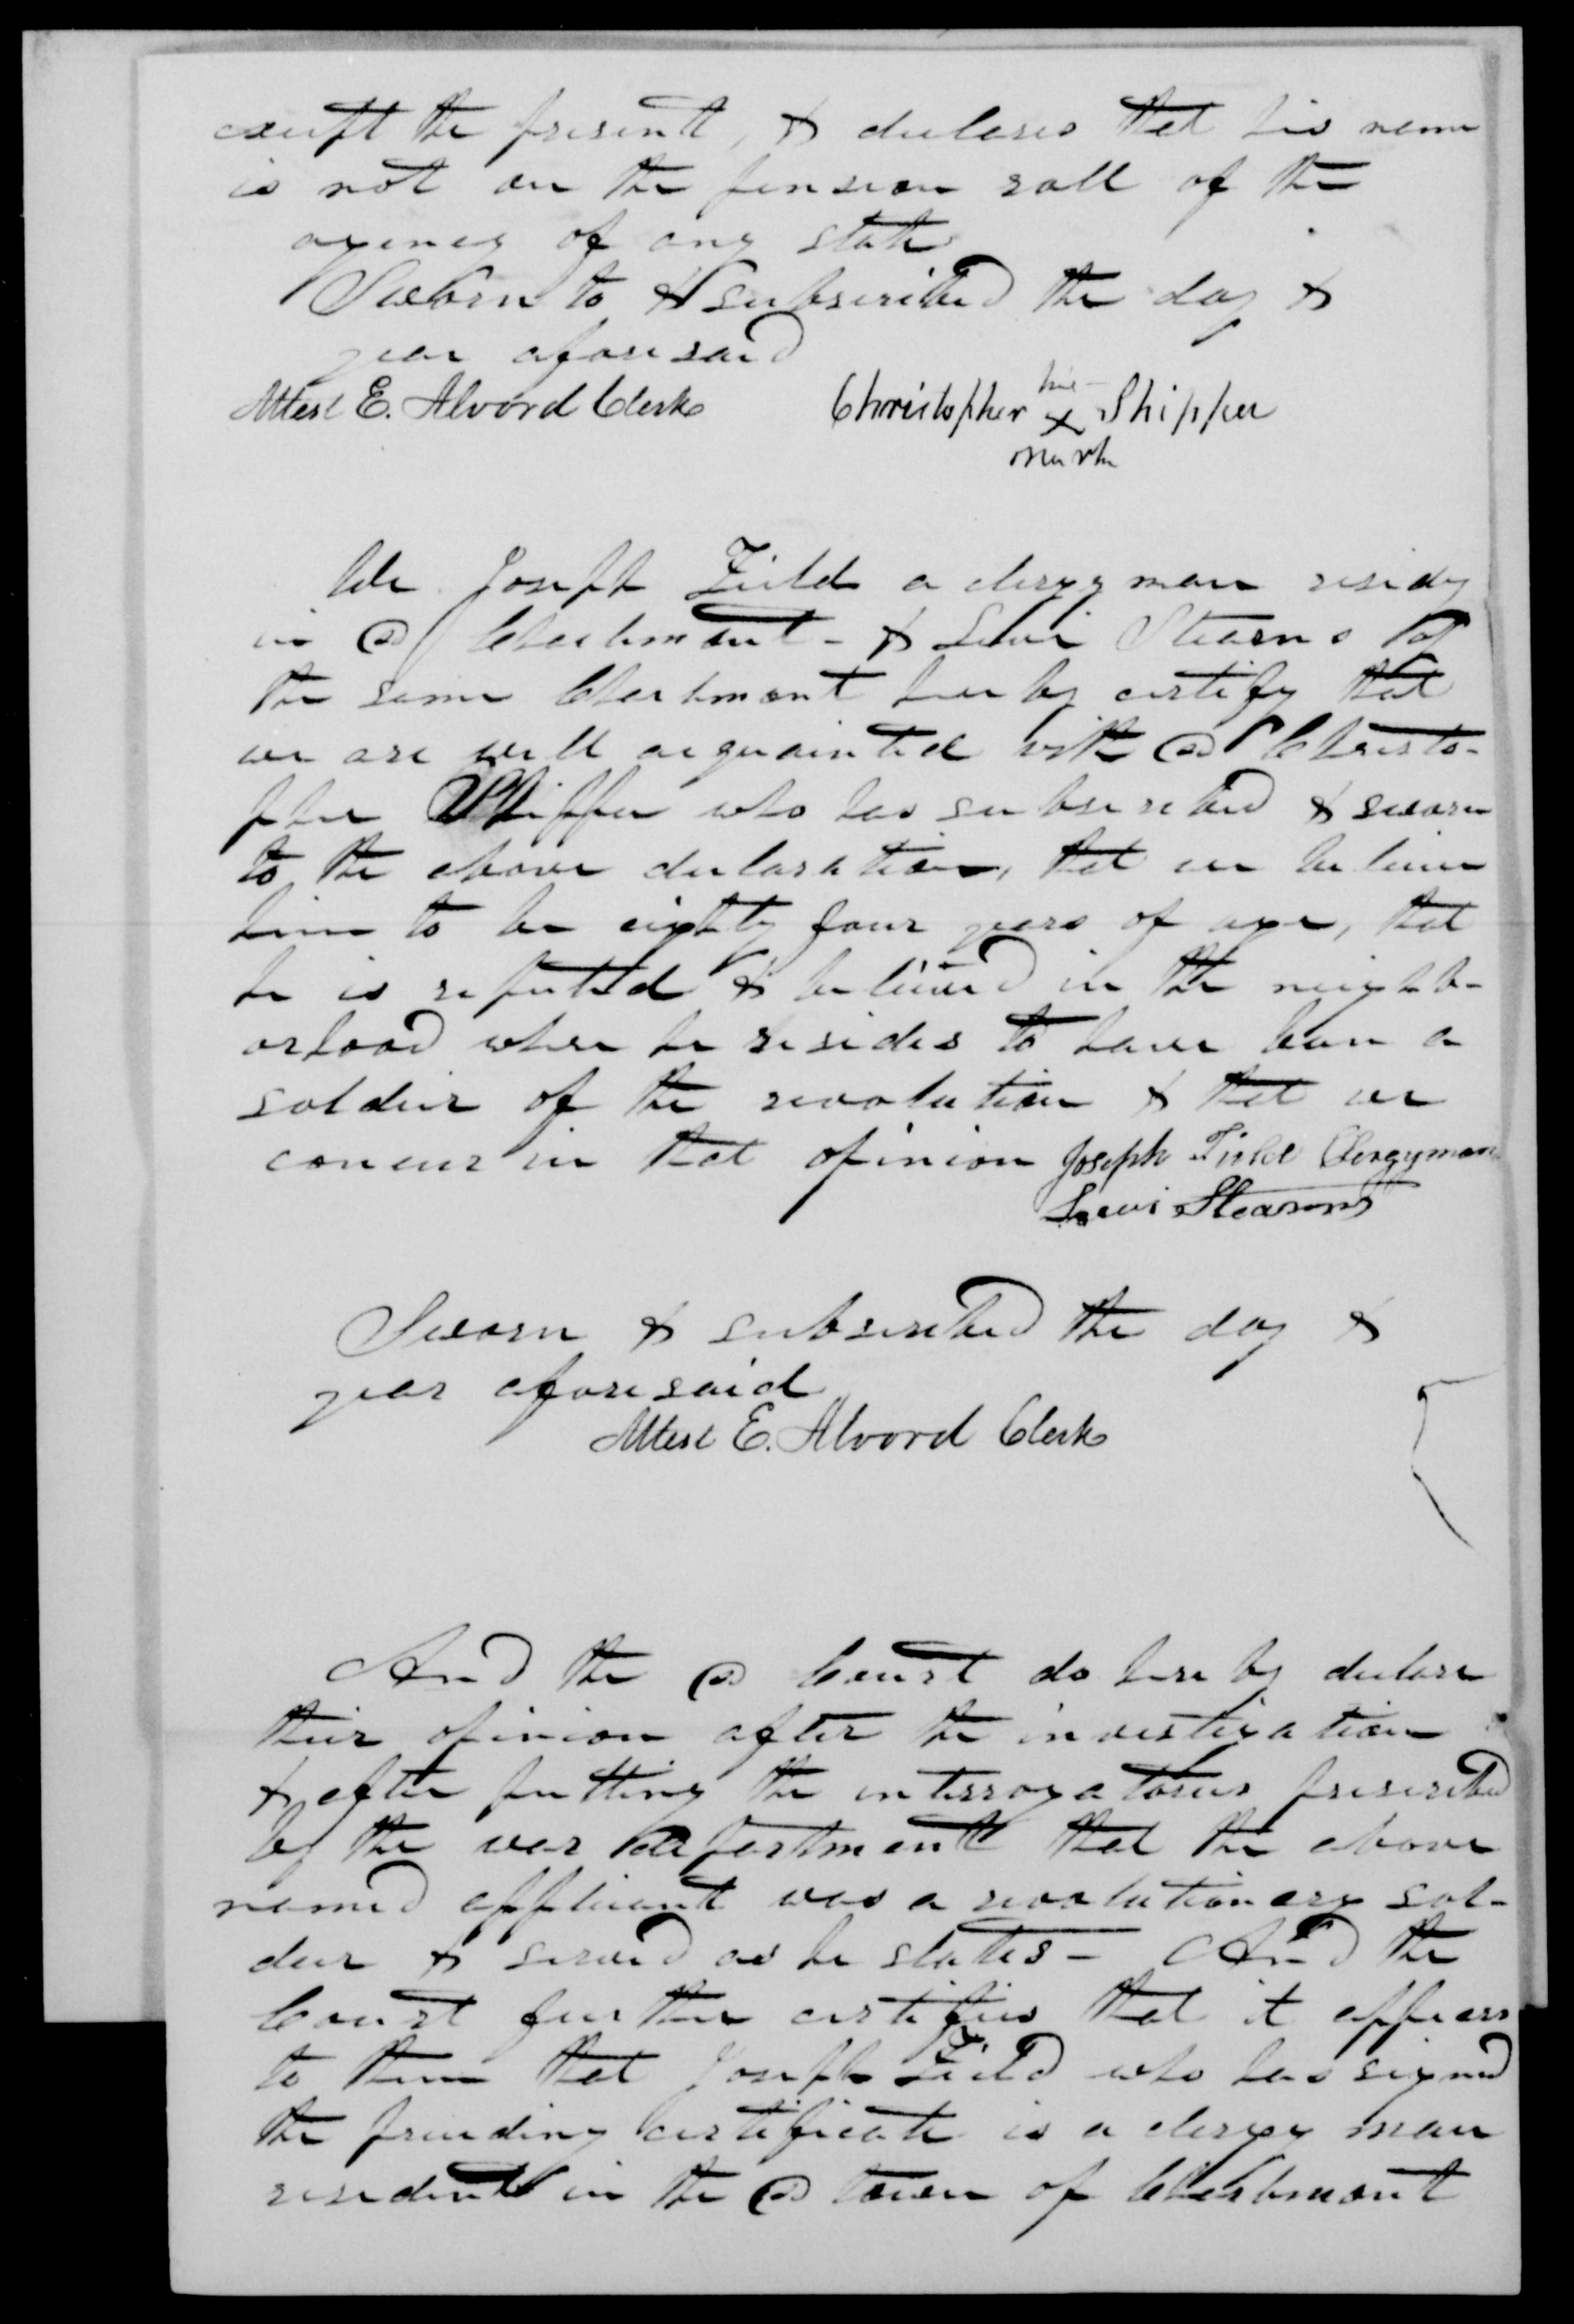except the present & declares that his name
is not on the pension roll of the agency of any State
Recorded to and subscribed the day &
year aforesaid
Attest E. Alvord Clerk
Christopher Shippee


Joseph Fields a clergyman residing in Charlemont & Levi Stearns of the same Charlemont hereby certify that we are well acquainted with Christopher Shippee 
who has subscribed & sworn to the above declaration, that we believe him to be eighty four years of age, that 
he is reputed & has lived in the neighborhood where he resides to have been a soldier of the revolution & that we concur in that opinion 
concur in that opinion 
Joseph Fiske Clergyman
Levi Stearns
Sworn & subscribed the day & year aforesaid
Attest E. Alvord Clerk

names: Levi Stearns; E Alvord; Christopher Shippee; Levi Stearns; Christopher Shippee; Joseph Fishe; Joseph Field; E Alvord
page: 8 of 20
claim: survivor's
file: S. 30,698, for Christopher Shippee, Rhode Island